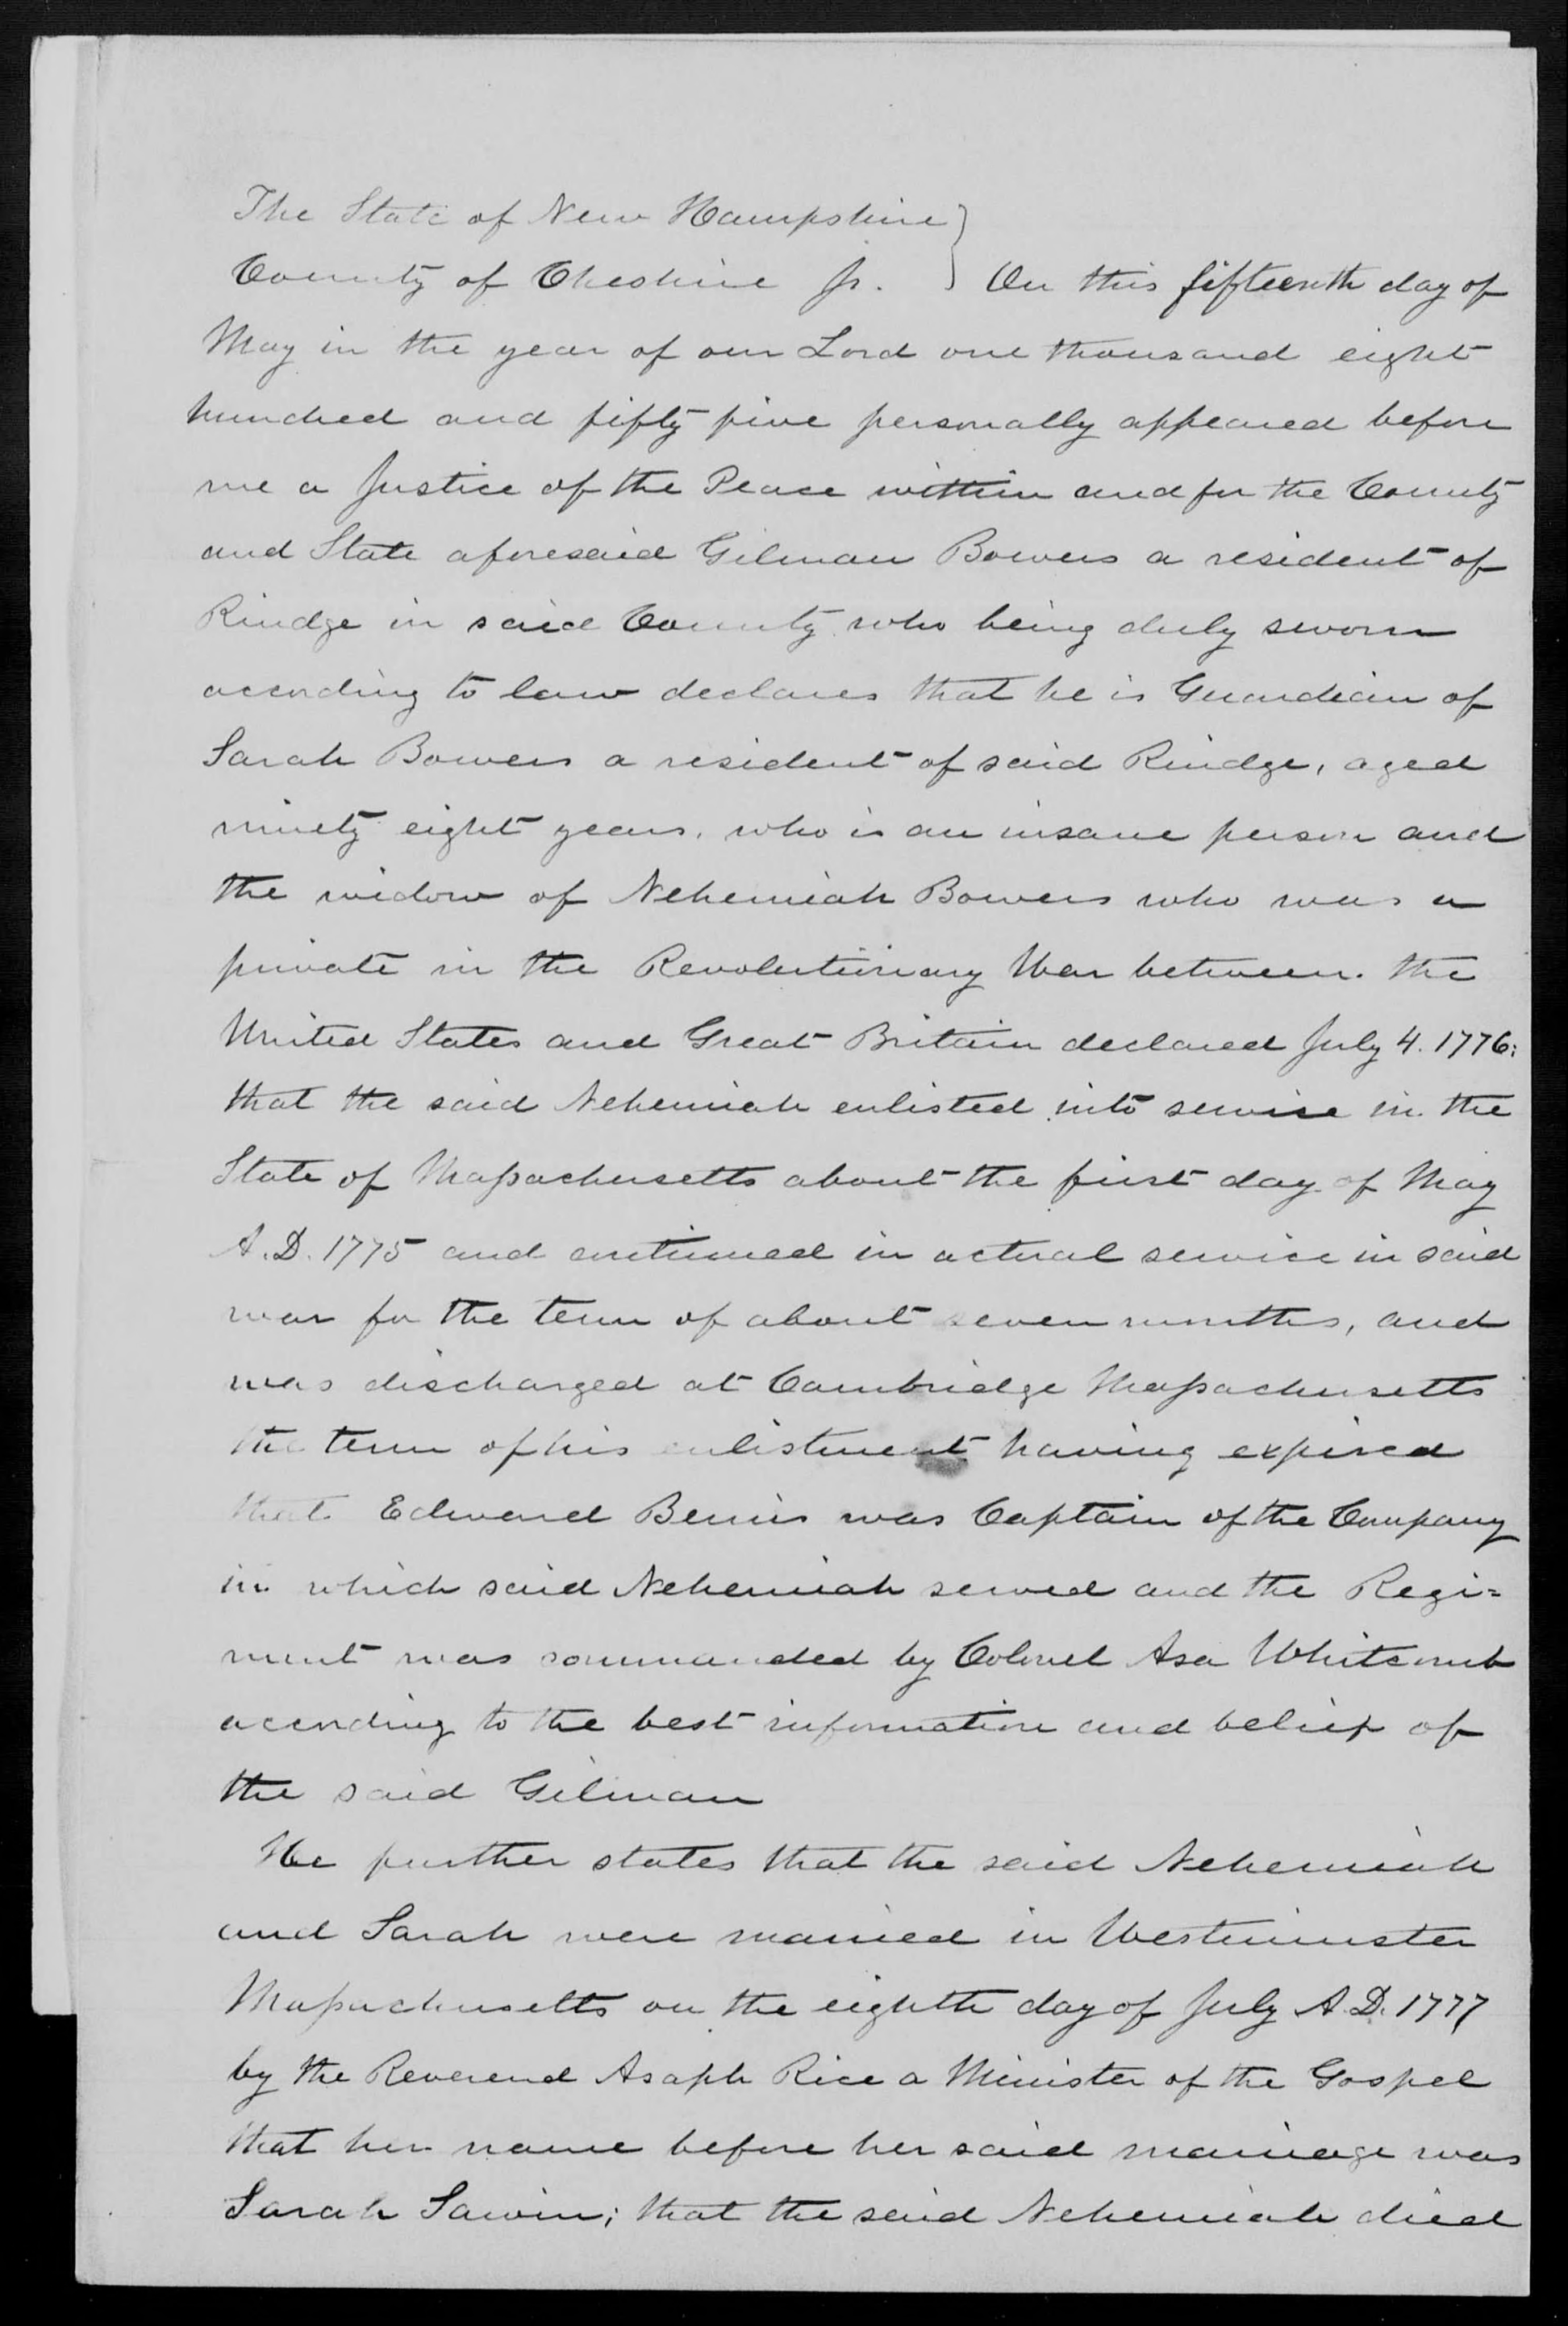The State of New Hampshire
County of Cheshire Jr. ⎬ On this fifteenth day of
May in the year of our Lord one thousand eight
hundred and fifty five personally appeared before
me a Justice of the Peace within and for the County
and State aforesaid Gilman Bowers a resident of
Rindge in said County who being duly sworn
according to law declares that he is Guardian of
Sarah Bowers a resident of said Rindge, aged
ninety eight years, who is an insane person and
the widow of Nehemiah Bowers who was a
private in the Revolutionary War between the
United States and Great Britain declared July 4. 1776.
that the said Nehemiah enlisted into service in the
State of Massachusetts about the first day of May
A.D. 1775 and entered in actual service in said
war for the term of about seven months, and
was discharged at Cambridge Massachusetts
the term of his enlistment having expired
that Edward Bemis was Captain of the Company
in which said Nehemiah served and the Regiment
 was commanded by Colonel Asa Whitcomb 
according to the best information and belief of
the said Gilman
He further states that the said Nehemiah
and Sarah were married in Westminster
Massachusetts on the eighth day of July A.D. 1777
by the Reverend Asaph Rice a Minister of the Gospel
that her name before her said marriage was
Sarah Sawin; that the said Nehemiah died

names: Nehemiah, Nehemiah Bowers, Gilman, Sarah, Gilman Bowers, Edward Bemis, Nehemiah, Asaph Rice, Sarah Sawin, Sarah Bowers, Nehemiah, Nehemiah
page: 8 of 42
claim: widow's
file: W. 23,652, Nehemiah Bowers, Mass.